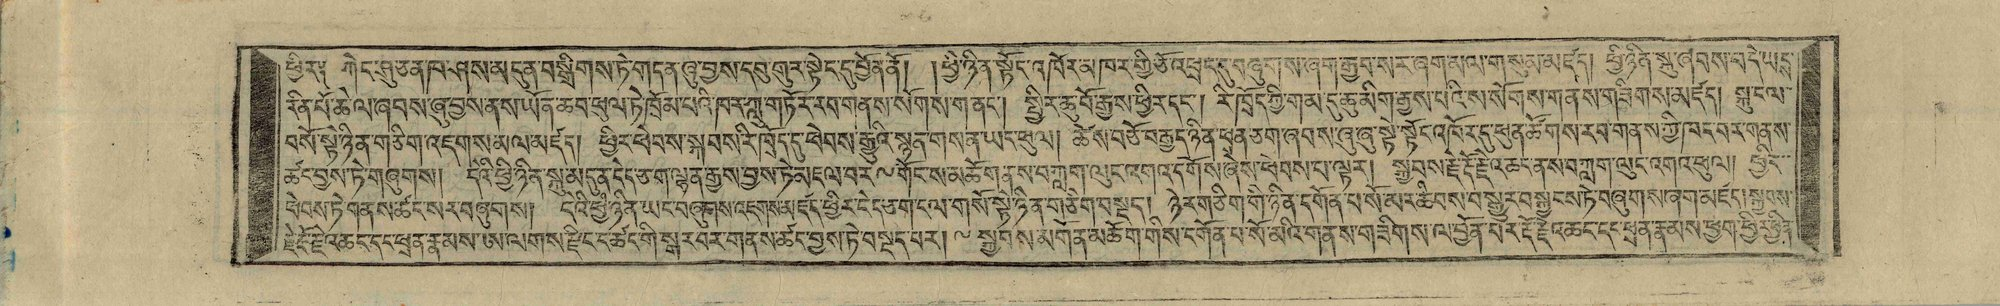ཕྱིར༑ ཀེང་ཤུ་ཅན་ཁ་ཤས་མདུན་བསྒྲིགས་ཏེ་གདན་ཞུ་བྱས་དབུ་གུར་སྟེང་དུ་བྱོན་ནོ། །ཕྱི་ཉིན་སྟོང་འཁོར་མཁར་གྱི་ཅོ་འཕྲང་དུ་བཞུགས་ཞག་རྒྱབ་སར་ཞག་མལ་གསུམ་མཛད། ཕྱི་ཉིན་སྐུ་ཞབས་བདེ་ཡངས་
རིན་པོ་ཆེ་ལ་ཞབས་ཞུ་བྱས་ནས་ཡོན་ཆབ་ཕུལ་ཏེ་ཁྲོམ་པའི་ཁར་ཀླུ་གཏོར་རབ་གནས་སོགས་གནང་། སྤྱིར་ཆུ་བོ་རྒྱས་ཕྱིར་དང་། རི་ཁྲོད་ཀྱི་གམ་དུ་ཆུ་མིག་རྒྱས་པའི་ས་སོགས་གནས་གཟིགས་མཛད། སྐུ་ངལ་
བསོ་སྟེ་ཉིན་གཅིག་འཇགས་མལ་མཛད། ཕྱིར་ཕེབས་སྐབས་རི་ཁྲོད་དུ་ཕེབས་རྒྱུའི་སྙན་གསན་ཡང་ཕུལ། ཚེས་བཅོ་བརྒྱད་ཉིན་ཕྲན་ཅག་ཞབས་ཞུ་ཞུ་སྟེ་སྟོང་འཁོར་དུ་ཕུན་ཚོགས་རབ་གནས་ཀྱི་ཁང་བར་གནས་
ཚང་བྱས་ཏེ་གཞུགས། དེའི་ཕྱི་ཉིན་སྐུ་མདུན་ངེད་ཅག་ལྷན་རྒྱས་བྱས་ཏེ་མཇལ་བར་༧གོང་ས་མཆོག་ནས་བཀླག་ལུང་འགའ་དགོས་ཞེས་ཕེབས་པ་ལྟར། སྐྱབས་རྗེ་རྡོ་རྗེ་འཆང་ནས་བཀླག་ལུང་འགའ་ཕུལ། ཕྱིར་
ཕེབས་ཏེ་གནས་ཚང་སར་བཞུགས། དེའི་ཕྱི་ཉིན་ཡང་བཞུགས་འཇགས་མཛད་ཕྱིར་ངེད་ཅག་ངལ་གསོ་སྟེ་ཉིན་གཅིག་བསྡད། ཉེར་གཅིག་གི་ཉིན་དགོན་པ་སོ་མར་ཆིབས་བསྒྱུར་བསྐྱངས་ཏེ་བཞུགས་ཞག་མཛད། སྐྱབས་
རྗེ་རྡོ་རྗེ་འཆང་དང་ཕྲན་རྣམས་ཨ་ལགས་རྫིང་ང་ཚང་གི་སྒར་བར་གནས་ཚང་བྱས་ཏེ་བསྡད་པར། ༧སྐྱབས་མགོན་མཆོག་གིས་དགོན་པ་སོ་མའི་གནས་གཟིགས་ལ་བྱོན་པར་རྡོ་རྗེ་འཆང་དང་ཕྲན་རྣམས་ཕྱག་ཕྱིར་ཕྱིན་